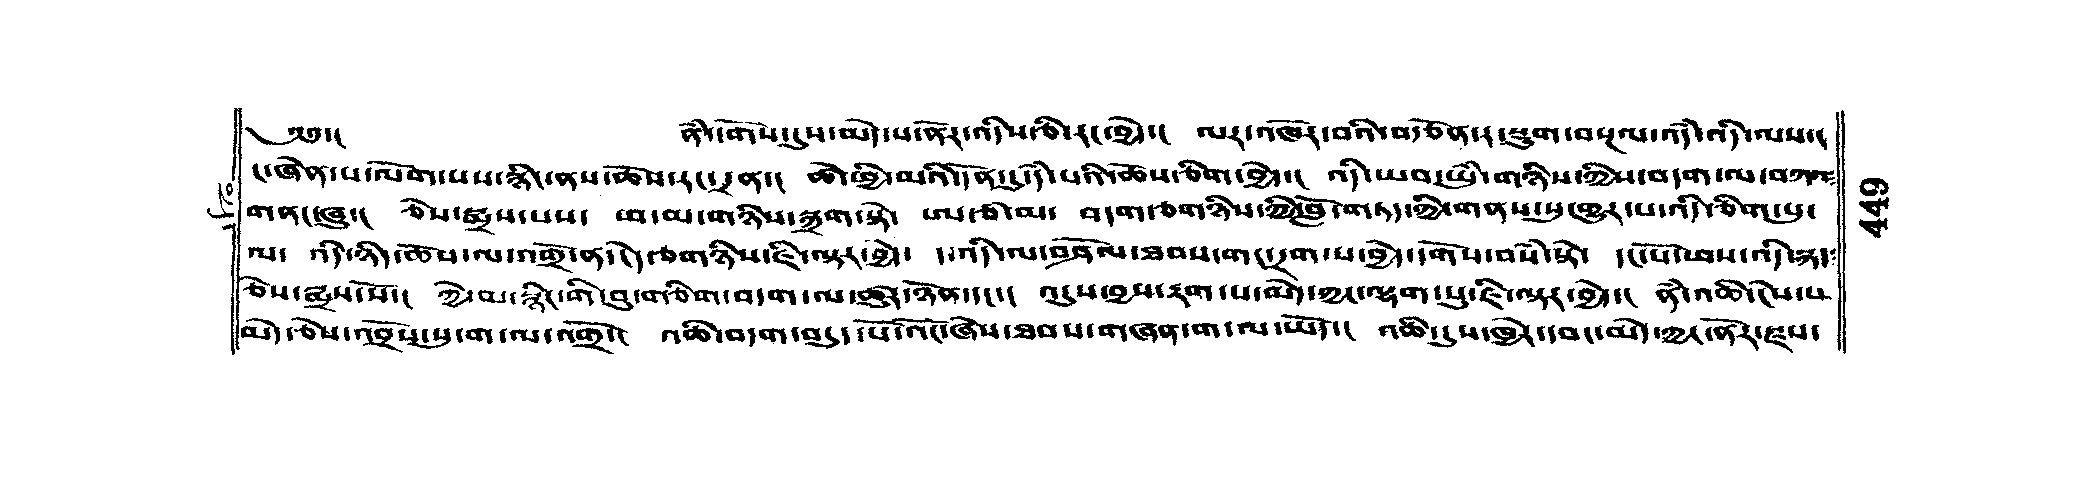།ནམ་དགོས་དུས་མེད་པ་ནོར་འདིས་ཅི་རང་བྱེད། །ལར་འཁོར་བའི་བརྩོན་ར་སྡུག་བསྔལ་འདམ་འདི་ལས། །
ང་ཞེན་པ་ལོག་པས་སྙིང་ནས་ཆོས་རང་དྲན། །ཚེ་ཕྱི་མའི་དོན་དུ་དམ་པའི་ཆོས་ཤིག་བྱེད། །འདི་ཡབ་ཡུམ་གཉིས་ཀྱིས་བདག་ལ་བཀའ་
གནང་ཞུ། ཞེས་སྨྲས་པས། ཕ་མ་གཉིས་སྐྲག་སྟེ། ཨ་ཙ་མ། བདག་ཅག་གཉིས་ཀྱི་བློ་གཏད་ཀྱི་གནས་སུ་གྱུར་པ་འདི་གཅིག་པུ་
ལ། འདི་ཉིད་ཆོས་ལ་འགྲོ་ན་ངེད་ཅག་གཉིས་ཇི་ལྟར་བྱེད། ད་འདི་ལ་བཤོལ་ཐབས་གང་དྲག་པ་བྱེད་དགོས་བསམ་སྟེ། དང་པོ་ཕས་འདི་སྐད་
ཅེས་སྨྲས་སོ། ཀྱེ་མ། སྙིང་གི་བུ་གཅིག་བདག་ལ་ཚུར་ཉོན་དང་། །འདུས་བྱས་རྟག་པ་མེད་ཀྱང་ལྷག་པོར་ཇི་ལྟར་བྱེད། །ནམ་འཆི་ངེས་པ་
མེད་ཅེས་འབྲོས་སུ་ག་ལ་འགྲོ། །འཆི་བདག་བདུད་པོ་འོང་ཞེས་ཐབས་གཞན་ག་ལ་ཡོད། །འཆི་དུས་ཁྱེར་དབང་མེད་ཀྱང་ནོར་རྫས་